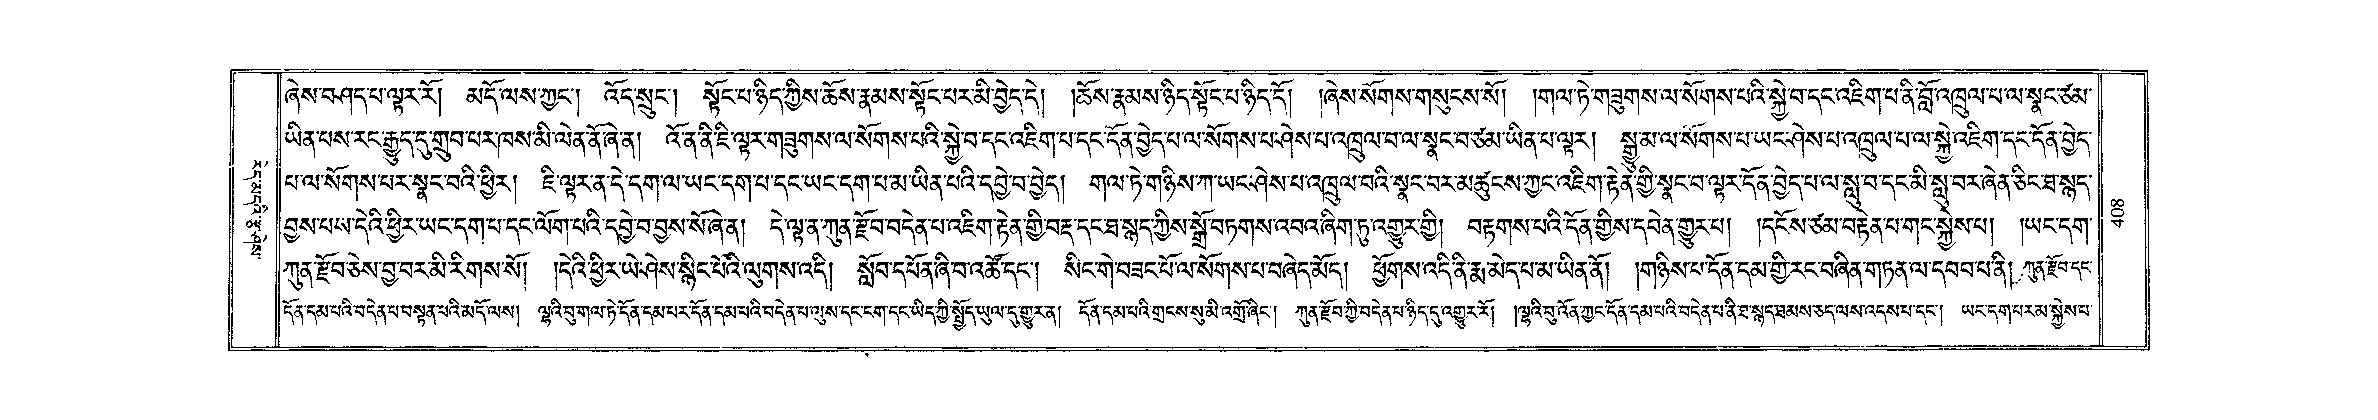ཞེས་བཤད་པ་ལྟར་རོ། མདོ་ལས་ཀྱང་། འོད་སྲུང་། སྟོང་པ་ཉིད་ཀྱིས་ཆོས་རྣམས་སྟོང་པར་མི་བྱེད་དེ། །ཆོས་རྣམས་ཉིད་སྟོང་པ་ཉིད་དོ། །ཞེས་སོགས་གསུངས་སོ། །གལ་ཏེ་གཟུགས་ལ་སོགས་པའི་སྐྱེ་བ་དང་འཇིག་པ་ནི་བློ་འཁྲུལ་པ་ལ་སྣང་ཙམ་
ཡིན་པས་རང་རྒྱུད་དུ་གྲུབ་པར་ཁས་མི་ལེན་ནོ་ཞེ་ན། འོ་ན་ནི་ཇི་ལྟར་གཟུགས་ལ་སོགས་པའི་སྐྱེ་བ་དང་འཇིག་པ་དང་དོན་བྱེད་པ་ལ་སོགས་པ་ཤེས་པ་འཁྲུལ་པ་ལ་སྣང་བ་ཙམ་ཡིན་པ་ལྟར། སྒྱུ་མ་ལ་སོགས་པ་ཡང་ཤེས་པ་འཁྲུལ་པ་ལ་སྐྱེ་འཇིག་དང་དོན་བྱེད་
པ་ལ་སོགས་པར་སྣང་བའི་ཕྱིར། ཇི་ལྟར་ན་དེ་དག་ལ་ཡང་དག་པ་དང་ཡང་དག་པ་མ་ཡིན་པའི་དབྱེ་བ་བྱེད། གལ་ཏེ་གཉིས་ཀ་ཡང་ཤེས་པ་འཁྲུལ་བའི་སྣང་བར་མཚུངས་ཀྱང་འཇིག་རྟེན་གྱི་སྣང་བ་ལྟར་དོན་བྱེད་པ་ལ་སླུ་བ་དང་མི་སླུ་བར་ཞེན་ཅིང་ཐ་སྙད་
བྱས་པས་དེའི་ཕྱིར་ཡང་དག་པ་དང་ལོག་པའི་དབྱེ་བ་བྱས་སོ་ཞེ་ན། དེ་ལྟ་ན་ཀུན་རྫོབ་བདེན་པ་འཇིག་རྟེན་གྱི་བརྡ་དང་ཐ་སྙད་ཀྱིས་སྒྲོ་བཏགས་འབའ་ཞིག་ཏུ་འགྱུར་གྱི། བརྟགས་པའི་དོན་གྱིས་དབེན་གྱུར་པ། །དངོས་ཙམ་བརྟེན་པ་གང་སྐྱེས་པ། །ཡང་དག་
ཀུན་རྫོབ་ཅེས་བྱ་བར་མི་རིགས་སོ། །དེའི་ཕྱིར་ཡེ་ཤེས་སྙིང་པོའི་ལུགས་འདི། སློབ་དཔོན་ཞི་བ་འཚོ་དང་། སིང་གེ་བཟང་པོ་ལ་སོགས་པ་བཞེད་མོད། ཕྱོགས་འདི་ནི་རྨ་མེད་པ་མ་ཡིན་ནོ། །གཉིས་པ་དོན་དམ་གྱི་རང་བཞིན་གཏན་ལ་དབབ་པ་ནི། ཀུན་རྫོབ་དང་
དོན་དམ་པའི་བདེན་པ་བསྟན་པའི་མདོ་ལས། ལྷའི་བུ་གལ་ཏེ་དོན་དམ་པར་དོན་དམ་པའི་བདེན་པ་ལུས་དང་ངག་དང་ཡིད་ཀྱི་སྤྱོད་ཡུལ་དུ་གྱུར་ན། དོན་དམ་པའི་གྲངས་སུ་མི་འགྲོ་ཞིང་། ཀུན་རྫོབ་ཀྱི་བདེན་པ་ཉིད་དུ་འགྱུར་རོ། །ལྷའི་བུ་འོན་ཀྱང་དོན་དམ་པའི་བདེན་པ་ནི་ཐ་སྙད་ཐམས་ཅད་ལས་འདས་པ་དང་། ཡང་དག་པར་མ་སྐྱེས་པ་